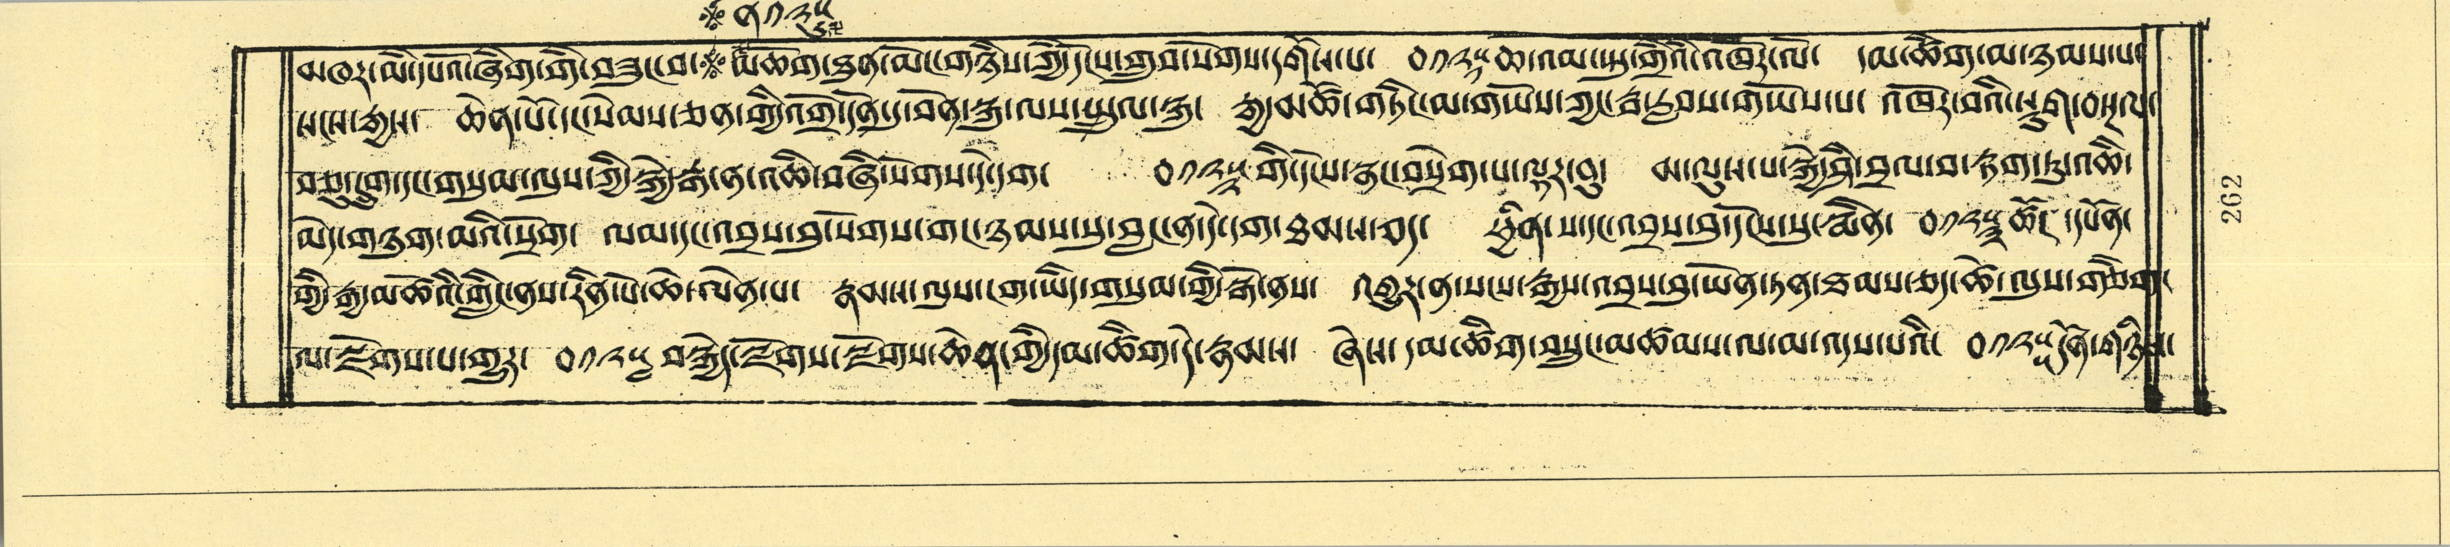༼མཁར་༽མི་དཔའོ་ཞིག་གི་བཟུང་བ་ན༡༢༥།༦ མཆོག་ཐུན་མོང་གཉིས་ཀྱི་དངོས་གྲུབ་སོགས་ ༼དགོས་༽པ། བ༡༢༥།༡ ༼ཆ་༽འམ་སྤུ་གྲིའི་འཁོར་ལོ། དམ་ཚིག་མ་ཉམས་པ་ 
༼སངས་རྒྱས་༽ ༼ཆེན་པོ་༽དང་སེམས་ཅན་གྱི་འགྲོ་དོན་དུ་བོན་སྐུ་ལས་སྤྲུལ་སྐུ། ༼རྒྱ་མཚོ་༽གཏིང་མ་གཡོས་ཀྱང་རྦ་རླབས་གཡོས་པ། འཁོར་བའི་ ༼སྡུག་བསྔལ་༽
བཅུ་དྲུག་དང་གསུམ་ལུས་ཀྱི་སྐྱེ་རྒ་ན་འཆི་བཞི་སོགས་དེ་དག བ༡༢༥།༢ གི་དངོས་སྣང་བསྲེགས་པ་ ༼ལྟར་བུ་༽ ༼མ་ལུས་༽པ་སྐྱེ་ཤི་བྲལ་བ་རྟག་ཏུ་འཆི་
མེད་གཉུག་མའི་སྲོག ལམ་དང་འབྲས་བུ་སོགས་གང་ཉམས་སུ་བླང་ན་དེ་དག་ ༼ཐམས་ཅད་༽ ༼ཕྱིན་༽ས་དང་འབྲས་བུ་དངོས་སུ་སྨིན་བ༡༢༥།༣ ༼ཚོན་དཔོན་༽
གྱི་རྒྱ་མཚོའི་གླིང་ནས་རིན་པོ་ཆེ་ལེན་པ་རྣམས་ལུས་ངག་ཡིད་གསུམ་གྱི་སྒོ་ནས། ༼འགྱུར་༽ན་སངས་རྒྱས་འབྲས་བུ་ཡོན་ཏན་ཐམས་ཅད་ཚེ་ལུས་གཅིག་
ལ་སྫོགས་པ་གྱུར། བ༡༢༥།༤ བསྐྱེད་སྫོགས་སྫོགས་ཆེན་གྱི་དམ་ཚིག་ ༼དེ་རྣམས་༽ ༼ཞེས་༽དམ་ཚིག་བསྲུང་མཚམས་ལ་མ་འདས་པའི་བ༡༢༥།༥ ༼དོན་གཉིས་༽